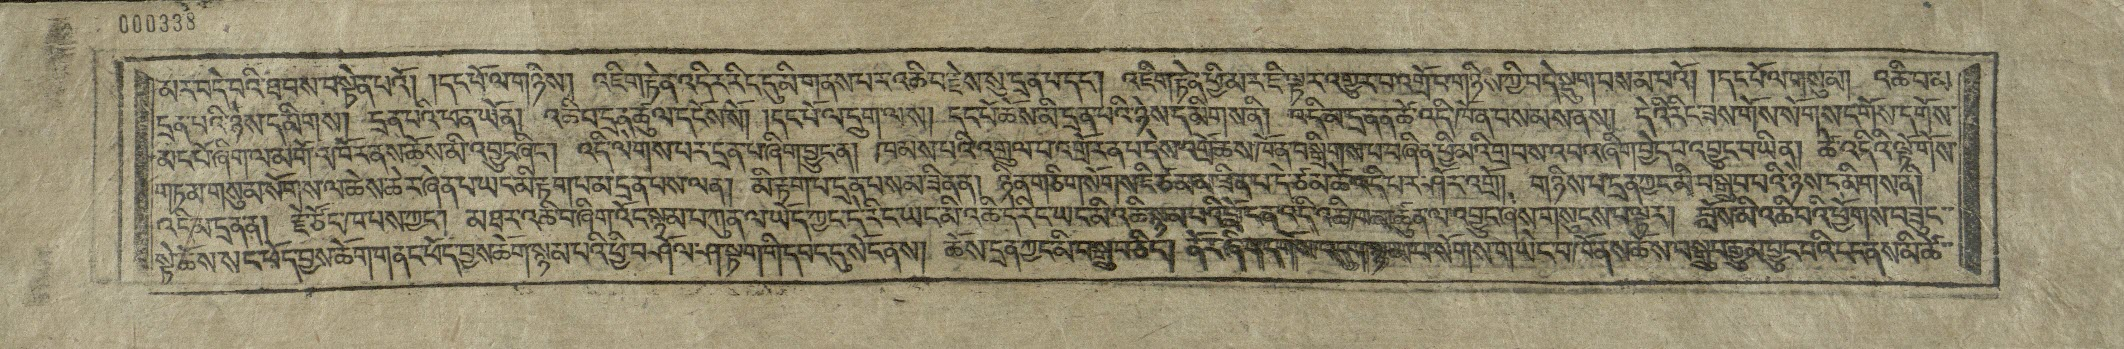མར་བདེ་བའི་ཐབས་བསྟེན་པའོ། །དང་པོ་ལ་གཉིས། འཇིག་རྟེན་འདིར་རིང་དུ་མི་གནས་པར་འཆི་བ་རྗེས་སུ་དྲན་པ་དང་། འཇིག་རྟེན་ཕྱི་མར་ཇི་ལྟར་འགྱུར་བ་འགྲོ་བ་གཉིས་ཀྱི་བདེ་སྡུག་བསམ་པའོ། །དང་པོ་ལ་གསུམ། འཆི་བ་མ་
དྲན་པའི་ཉེས་དམིགས། དྲན་པའི་ཕན་ཡོན། འཆི་བ་དྲན་ཚུལ་དངོས་སོ། །དང་པོ་ལ་དྲུག་ལས། དང་པོ་ཆོས་མི་དྲན་པའི་ཉེས་དམིགས་ནི། འདི་མ་དྲན་ན་ཚེ་འདི་ཁོ་ན་བསམས་ནས། དེའི་རིང་ཟས་གོས་སོགས་དགོས་དགོས་
མང་པོ་ཞིག་ལ་མགོ་འཁོར་ནས་ཆོས་མི་འབྱུང་ཞིང་། འདི་ལེགས་པར་དྲན་པ་ཞིག་བྱུང་ན། ཁམས་པའི་འགྲུལ་པ་འགྲོ་རན་པ་དེས་འགྲོ་ཆས་ཁོ་ན་བསྒྲིགས་པ་བཞིན་ཕྱི་མའི་གྲབས་འབའ་ཞིག་བྱེད་པ་འབྱུང་བ་ཡིན། ཚེ་འདིའི་ལྟོ་གོས་
གཏམ་གསུམ་སོགས་ལ་ཆེས་ཆེར་ཞེན་པ་ཡང་མི་རྟག་པ་མ་དྲན་པས་ལན། མི་རྟག་པ་དྲན་པས་མ་ཟིན་ན། ཉིན་གཅིག་སོགས་ཇི་ཙམ་མ་ཟིན་པ་དེ་ཙམ་ཚེ་འདི་པར་ཤོར་འགྲོ། གཉིས་པ་དྲན་ཀྱང་མི་བསྒྲུབ་པའི་ཉེས་དམིགས་ནི།
འདི་མ་དྲན་ན། རྗེ་ཙོང་ཁ་པས་ཀྱང་། མཐར་འཆི་བ་ཞིག་འོང་སྙམ་པ་ཀུན་ལ་ཡོད་ཀྱང་དེ་རིང་ཡང་མི་འཆི་དེ་རིང་ཡང་མི་འཆི་སྙམ་པའི་བློ་ངན་འདི་འཆི་ཁ་མ་ཚུན་ལ་འབྱུང་ཞེས་གསུངས་པ་ལྟར། བློས་མི་འཆི་བའི་ཕྱོགས་བཟུང་
སྟེ་ཆོས་སང་ཕོད་བྱས་ཆོག་གནང་ཕོད་བྱས་ཆོག་སྙམ་པའི་ཕྱི་བཤོལ་ཤ་སྟག་གི་དབང་དུ་སོང་ནས། ཆོས་དྲན་ཀྱང་མི་བསྒྲུབ་ཅིང་། ནོར་ཞིག་དགོས་འདུག་སྙམ་པ་སོགས་གཡེང་བ་ཁོ་ནས་ཆོས་བསྒྲུབ་རྒྱུ་མ་བྱུང་བའི་ངང་ནས་མི་ཚེ་